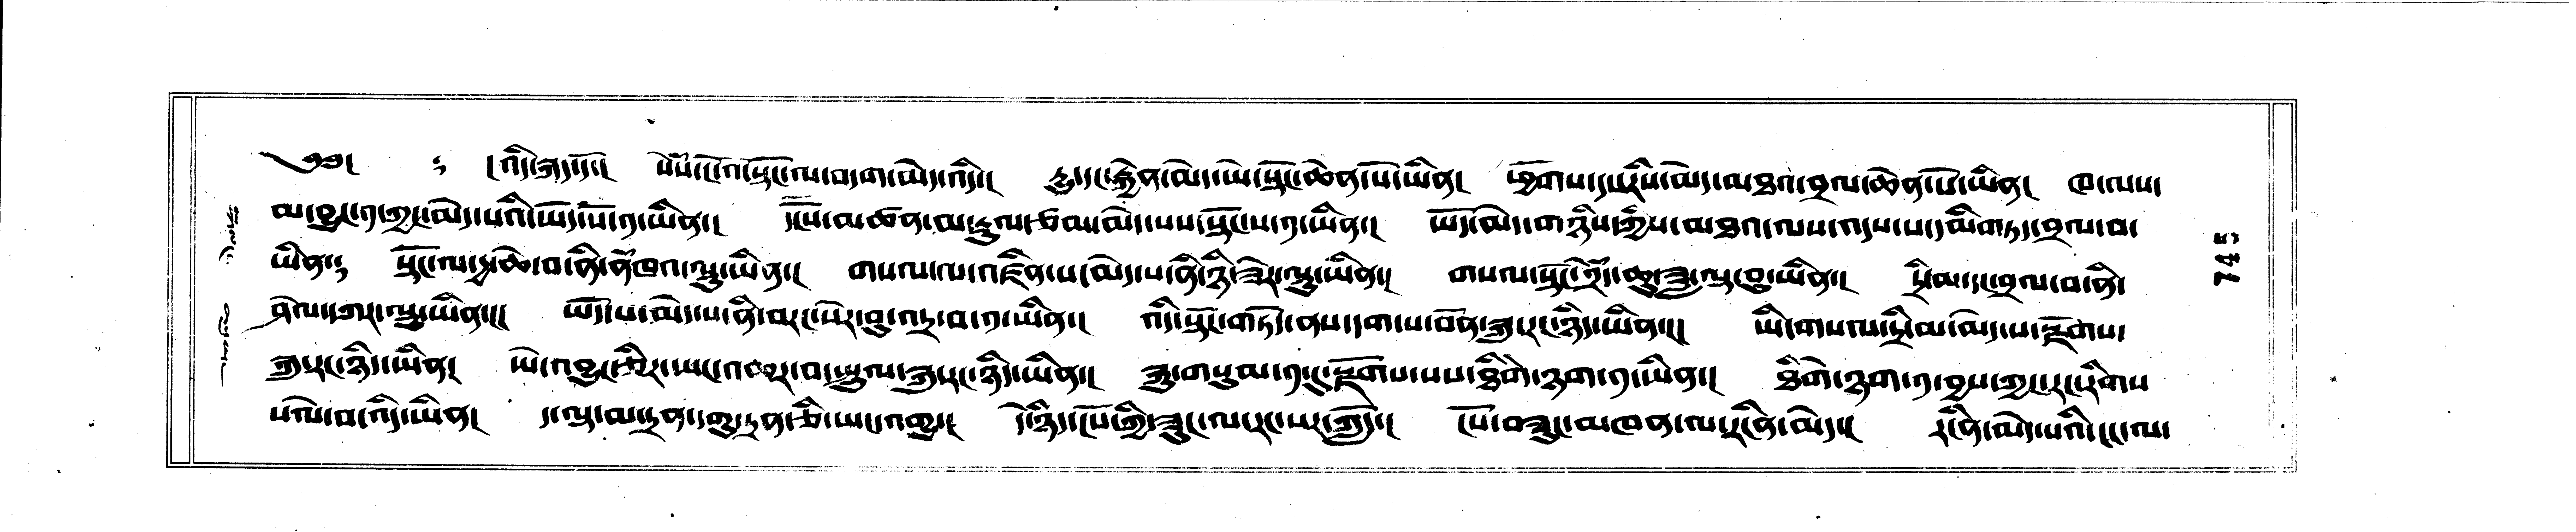འདི་སྐད་དོ། །སེམས་ངོའོ་སྟོང་ལ་བདག་མེད་འདི། །རྒྱུ་དང་རྐྱེན་མེད་ཡེ་སྟོང་ཆེན་པོ་ཡིན། །ཕྱོགས་དང་རིས་མེད་མཐའ་བྲལ་ཆེན་པོ་ཡིན། །ཁ་’ཁོ’ལས་
མ་བྱུང་གཅིག་ཀྱང་མེད་པའི་ཡོད་པོ་ཅིག་ཡིན། དངོས་པོ་མཚན་མ་རྡུལ་ཙམ་མེད་པས་སྟོང་པ་ཅིག་ཡིན། ཡོད་མེད་གཉིས་ཀྱི་མཐའ་ལས་འདས་པས་དམིགས་གཏད་བྲལ་བ་
ཡིན། སྟོང་ལ་རྒྱ་ཆེ་བ་ནི་ནམ་མཁའ་ལྟ་བུ་ཡིན། གསལ་ལ་འཛིན་པ་མེད་པ་ནི་ཉི་ཟེར་ལྟ་བུ་ཡིན། གསལ་སྟོང་གཉིས་མེད་ཆུ་ཟླ་ལྟ་བུ་ཡིན། དྲི་མ་དང་བྲལ་བ་ནི་
ཤེལ་དཀར་ལྟ་བུ་ཡིན། ཡོད་པ་མེད་པ་ནི་བར་སྣང་སེར་བུ་འདྲ་བ་ཅིག་ཡིན། འདི་སྟོང་གཏོད་’གདོད’ནས་དག་པ་བོན་སྐུ་རང་ཉིད་ཡིན། ཡེ་གསལ་དྲི་མ་མེད་པ་རྫོགས་
སྐུ་རང་ཉིད་ཡིན། ཡེ་འབྱུང་ཅི་ཡང་འཆར་བ་སྤྲུལ་སྐུ་རང་ཉིད་ཡིན། སྐུ་གསུམ་གཅིག་ཏུ་རྫོགས་པས་ཐིག་ལེ་ཉག་གཅིག་ཡིན། ཐིག་ལེ་ཉག་གཅིག་བྱས་ཀྱང་རང་རིག་
སལེ་བ་འདི་ཡིན། ད་ལྟ་མ་དྲན་དགུ་དྲན་ཅི་ཡང་འགྱུ དེ་ཉིད་ངོས་ཀྱིས་ཟུངས་ལ་རང་སར་ཀློད། ངོས་བཟུང་མཁན་ལ་རང་བཞིན་མེད། རང་བཞིན་མེད་པའི་ངང་ལ་